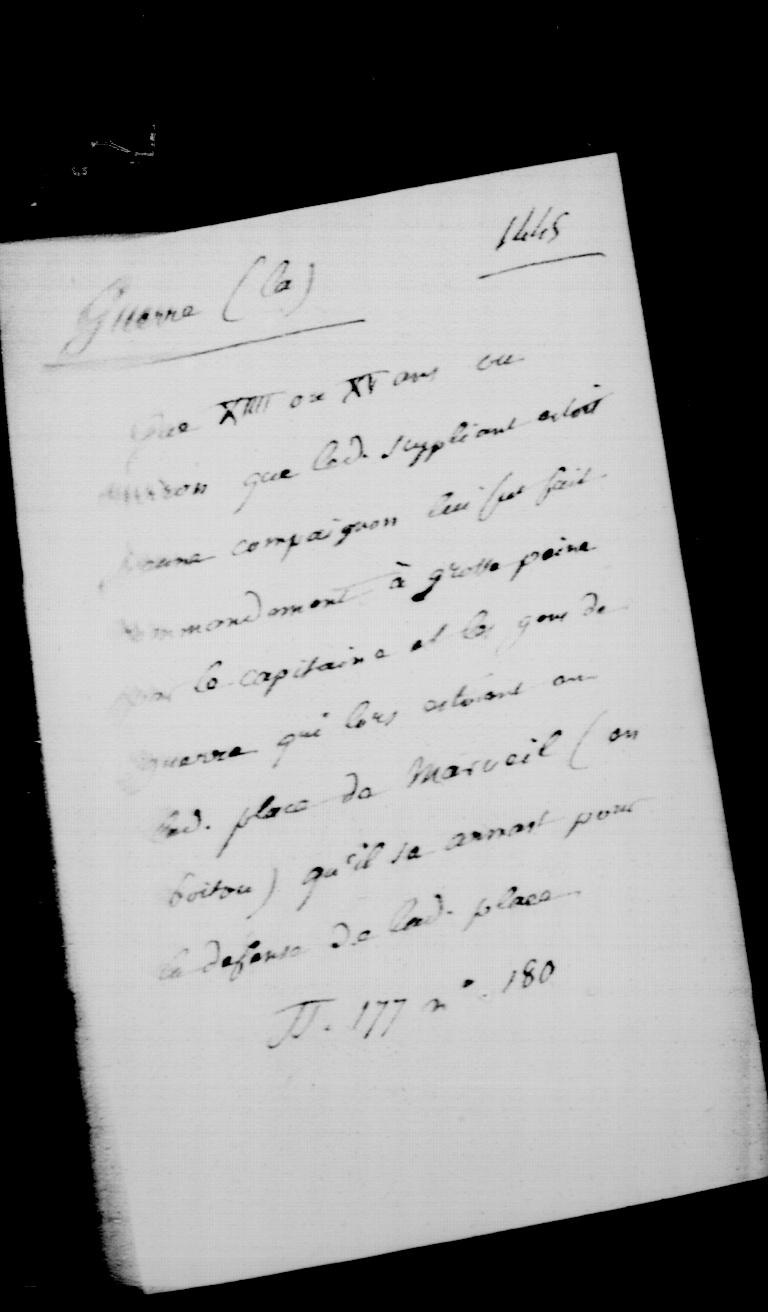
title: Guerre (la)
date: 1445
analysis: Que XIIII ou XV ans ou environ, que ledicte suppliant estoit jeune compaignon lui fut fait commandement à grosse peine par le capitaine et les gens de guerre qui lors estoient en ladicte place de Marueil (en Poitou) qu’il se armast pour la défense de ladicte place
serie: JJ
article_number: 177
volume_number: n° 180
